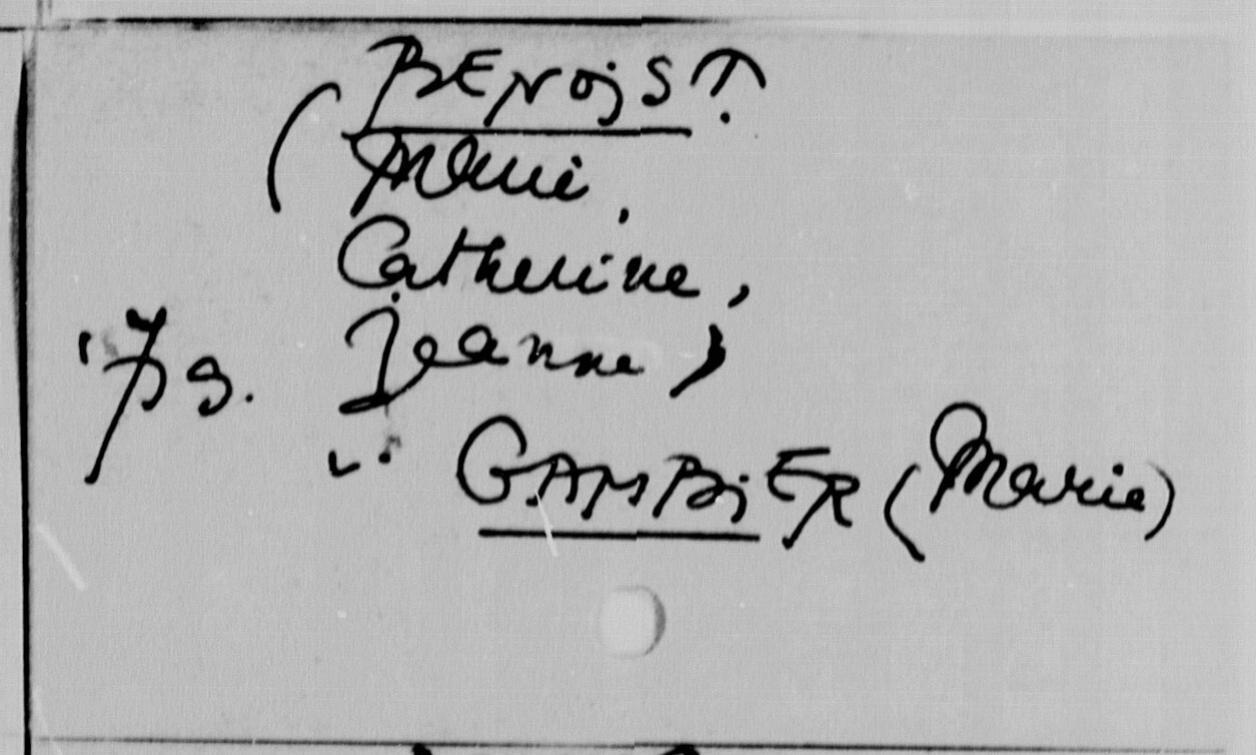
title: BENOIST (Marie-Catherine, Jeanne)
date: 1719
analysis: Voir : GAMBIER (Marie)
